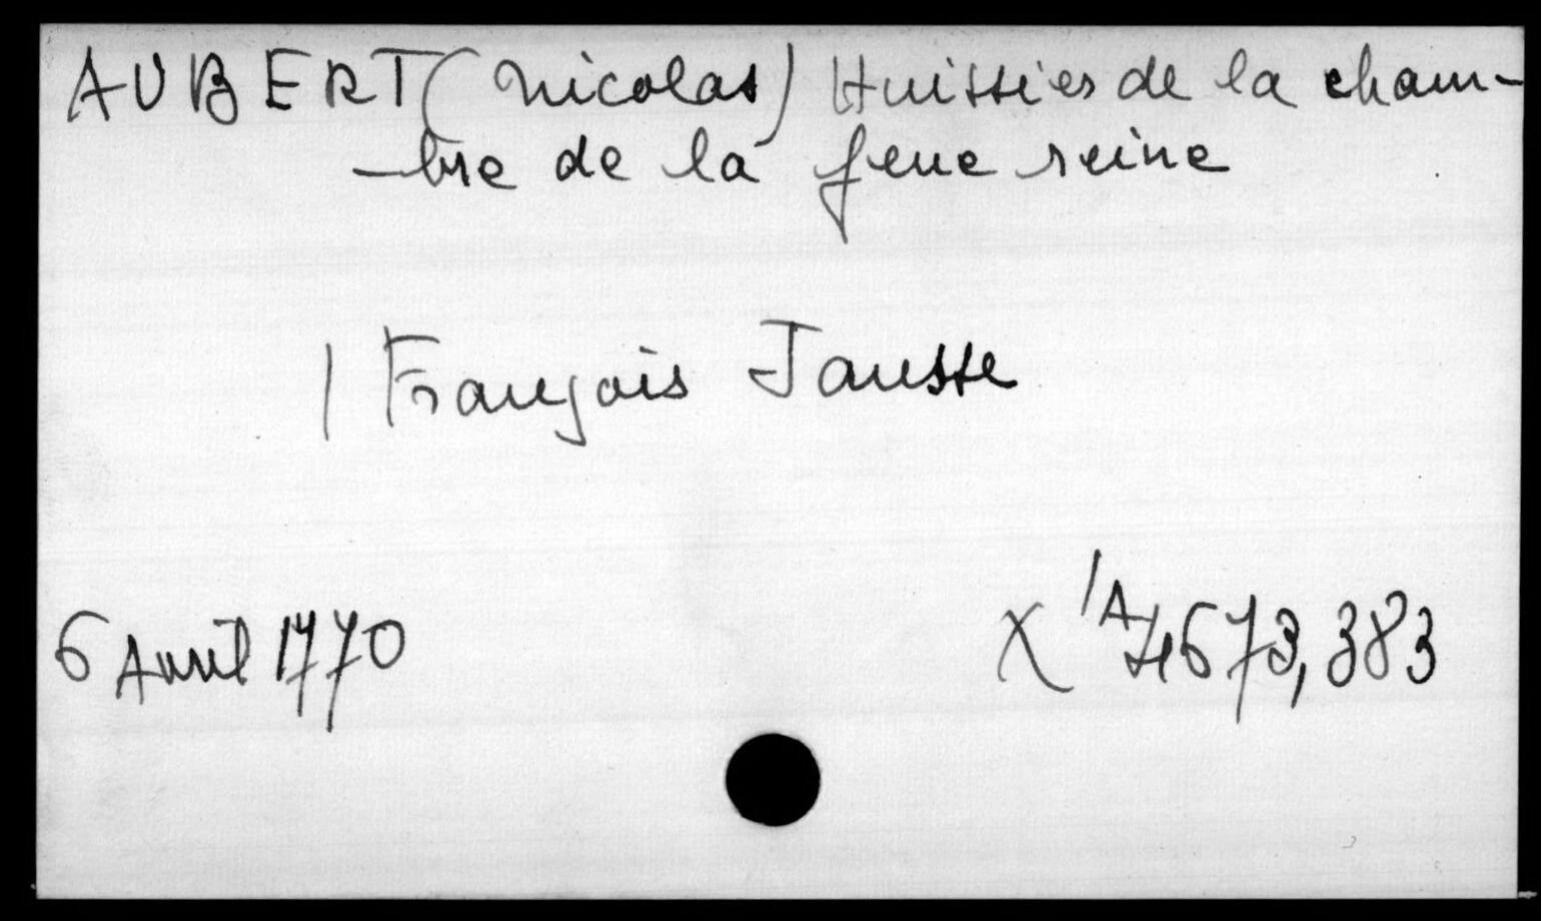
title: AUBERT (Nicolas) Huissier de la chambre de la feue reine
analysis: Contre François Jausse
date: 6 avril 1770
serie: X1A
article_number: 4673
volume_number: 383
